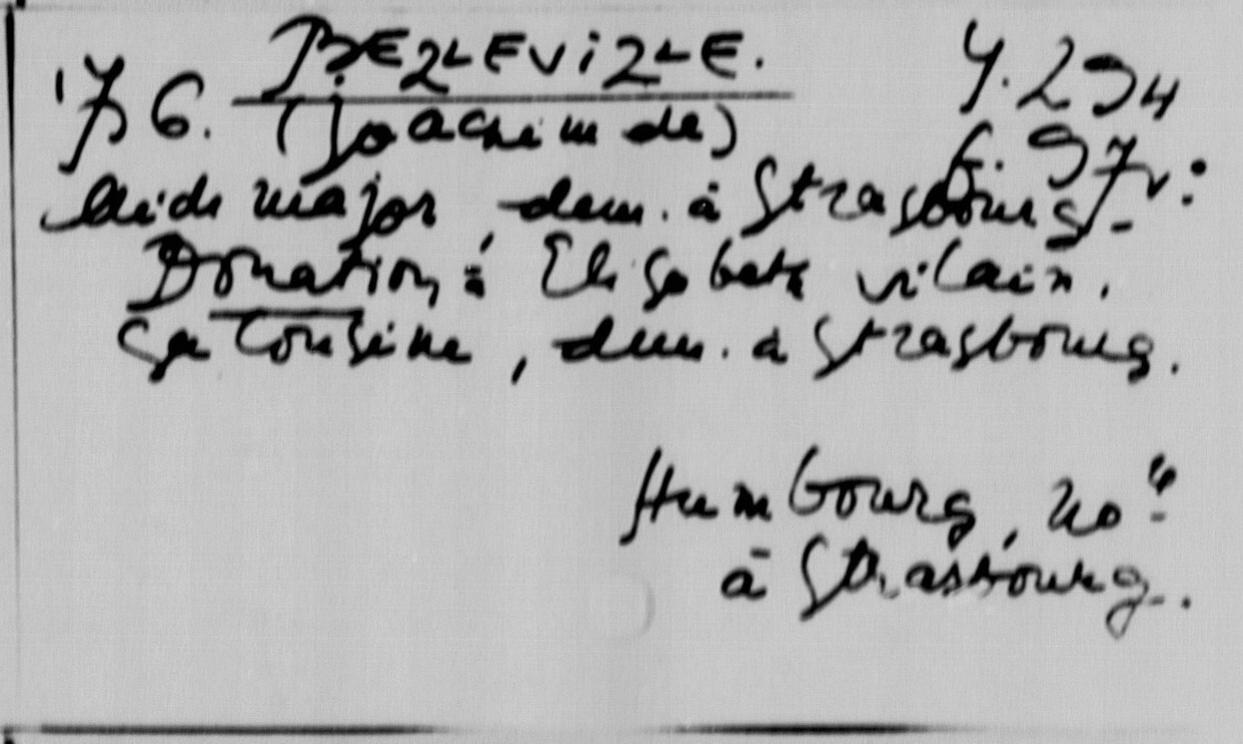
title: BELLEVILLE (Joachim de)
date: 1706
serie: Y
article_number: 294
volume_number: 97v
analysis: Aide Major, demeurant à Strasbourg, Donation à Elisabeth Vilain, sa cousine, demeurant d Strasbourg. Humbourg, notaire à Strasbourg.
